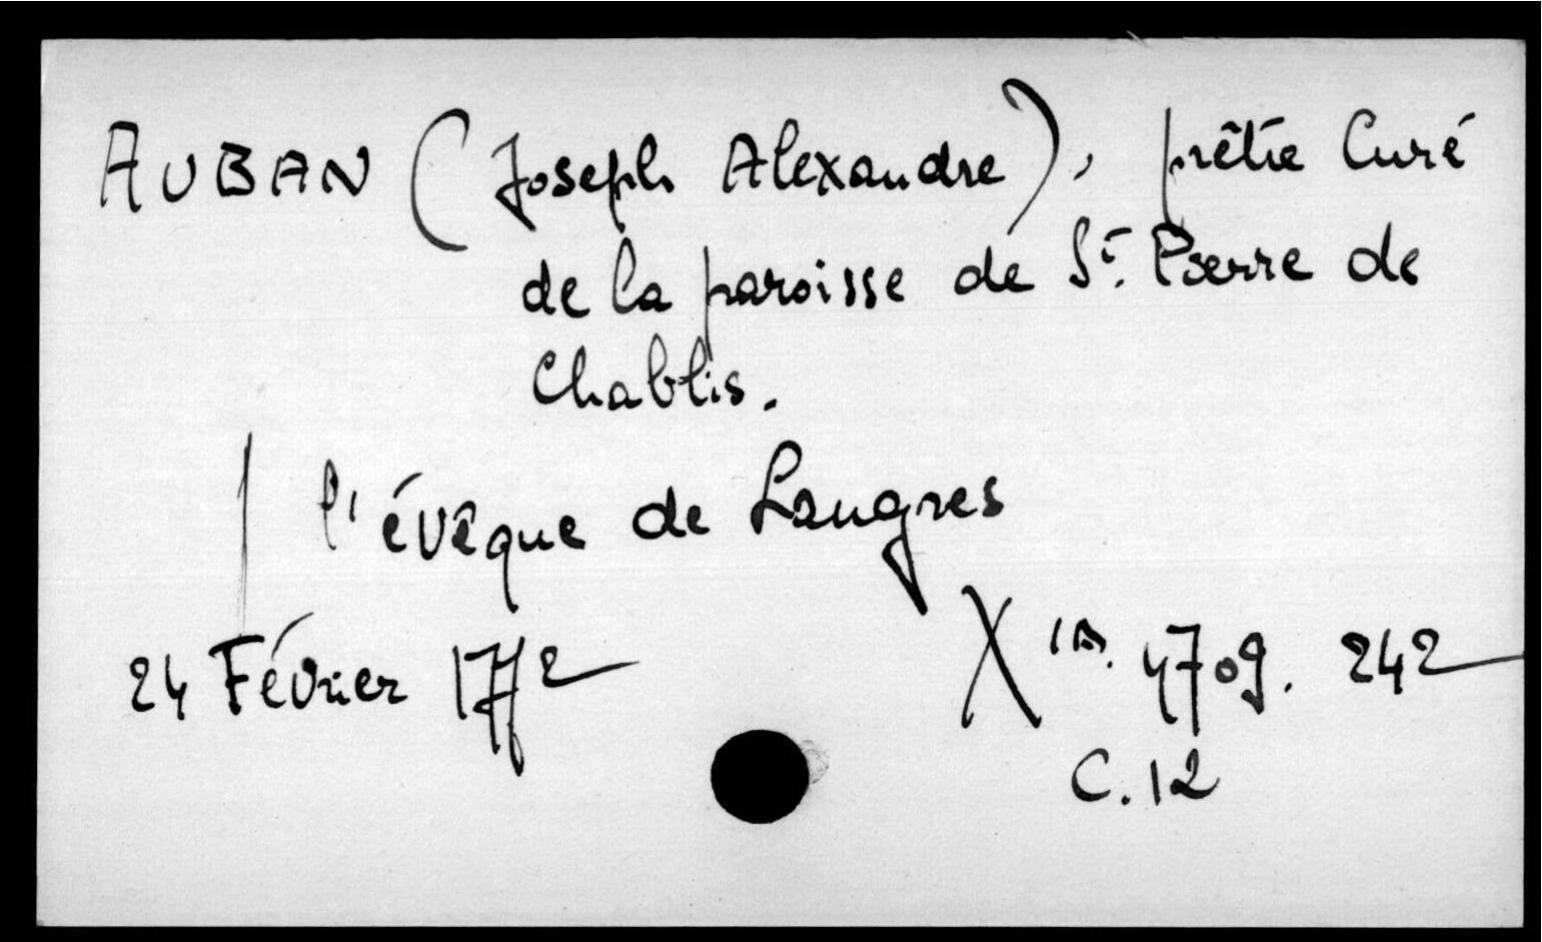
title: AUBAN (Joseph Alexandre), prêtre curé de la paroisse de Saint-Pierre de Chablis.
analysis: Contre l'évêque de Langres
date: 24 février 1772
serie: X1A
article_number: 4709
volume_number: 242 Conseil 12
